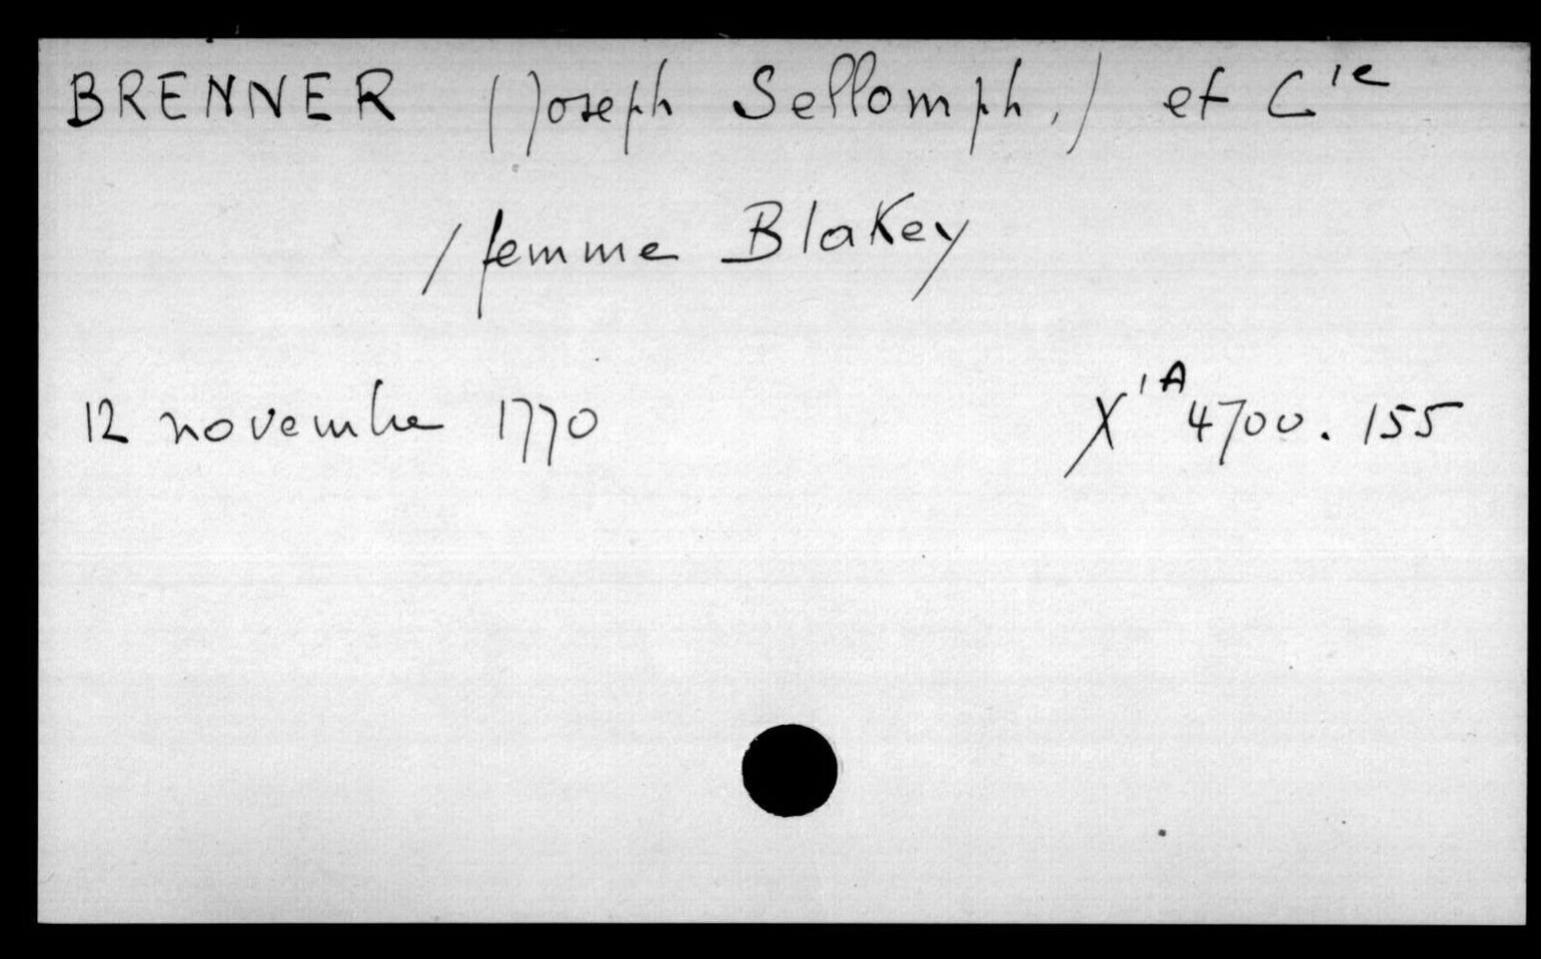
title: BRENNER (Joseph Sellomph ) et Compagnie
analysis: Contre femme Blakey
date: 12 novembre 1770
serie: X1A
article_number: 4700
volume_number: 155
